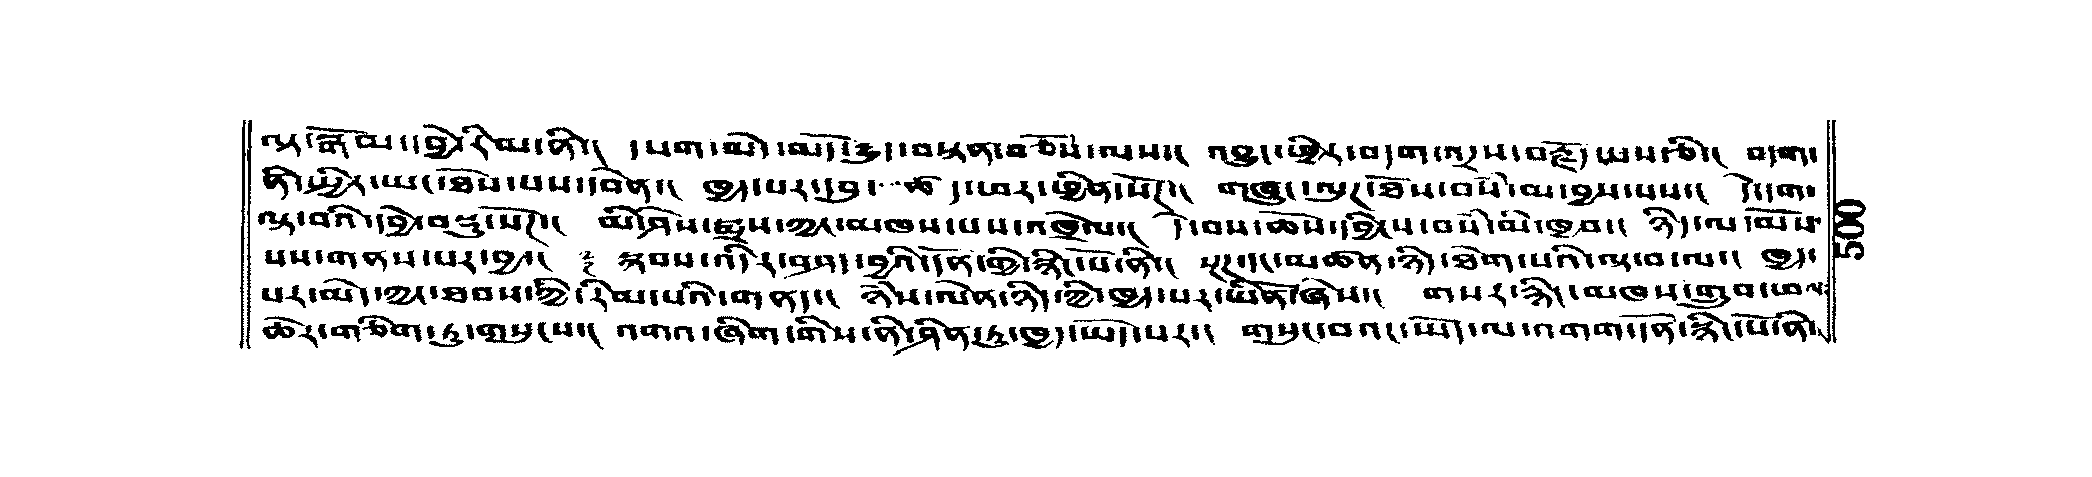ལྷ་སྒོམ་དབྱེ་རིམ་ནི། །དཔག་མེད་མདོ་རྒྱུད་བསྟན་བཅོས་ལས། །འབྱུང་ཕྱིར་བདག་འདྲས་བརྗོད་པས་ཅི། །བདག་
ནི་སྤྱིར་ཡང་ཐོས་པས་དབེན། །ཁྱད་པར་དབུ་ཚད་ཕར་ཕྱིན་སོགས། །གཞུང་ལུགས་ཐོས་བསམ་མ་བྱས་པས། །དེ་དག་
ལྟ་བའི་དབྱེ་བསྡུ་སོགས། །མི་ཤེས་སྨྲས་ཀྱང་མཁས་པས་འཁྲེལ། །དེ་བས་ཆོས་དབྱིངས་བསམ་མི་ཁྱབ། །ཉིད་ལ་མོས་
པས་གནས་པར་བྱ། ༈ སྐབས་འདིར་བཤད་བྱའི་དོན་གྱི་སྙིང་པོ་ནི། །སྔགས་དང་མཚན་ཉིད་ཐེག་པའི་ལྟ་བ་ལ། །ཁྱད་
པར་མེད་ཀྱང་ཐབས་ཀྱི་རིམ་པའི་གནད། །ཉམས་ལེན་ཉིད་ཀྱི་ཁྱད་པར་ཡིན་ནོ་ཞེས། །གསར་རྙིང་མཁས་གྲུབ་ཕལ་
ཆེར་གཅིག་ཏུ་གསུངས། །འགའ་ཞིག་གིས་ནི་ཤིན་ཏུ་ཁྱད་ཡོད་པར། །གསུང་བའང་ཡོད་ལ་འགག་དོན་སྙིང་པོ་ནི།